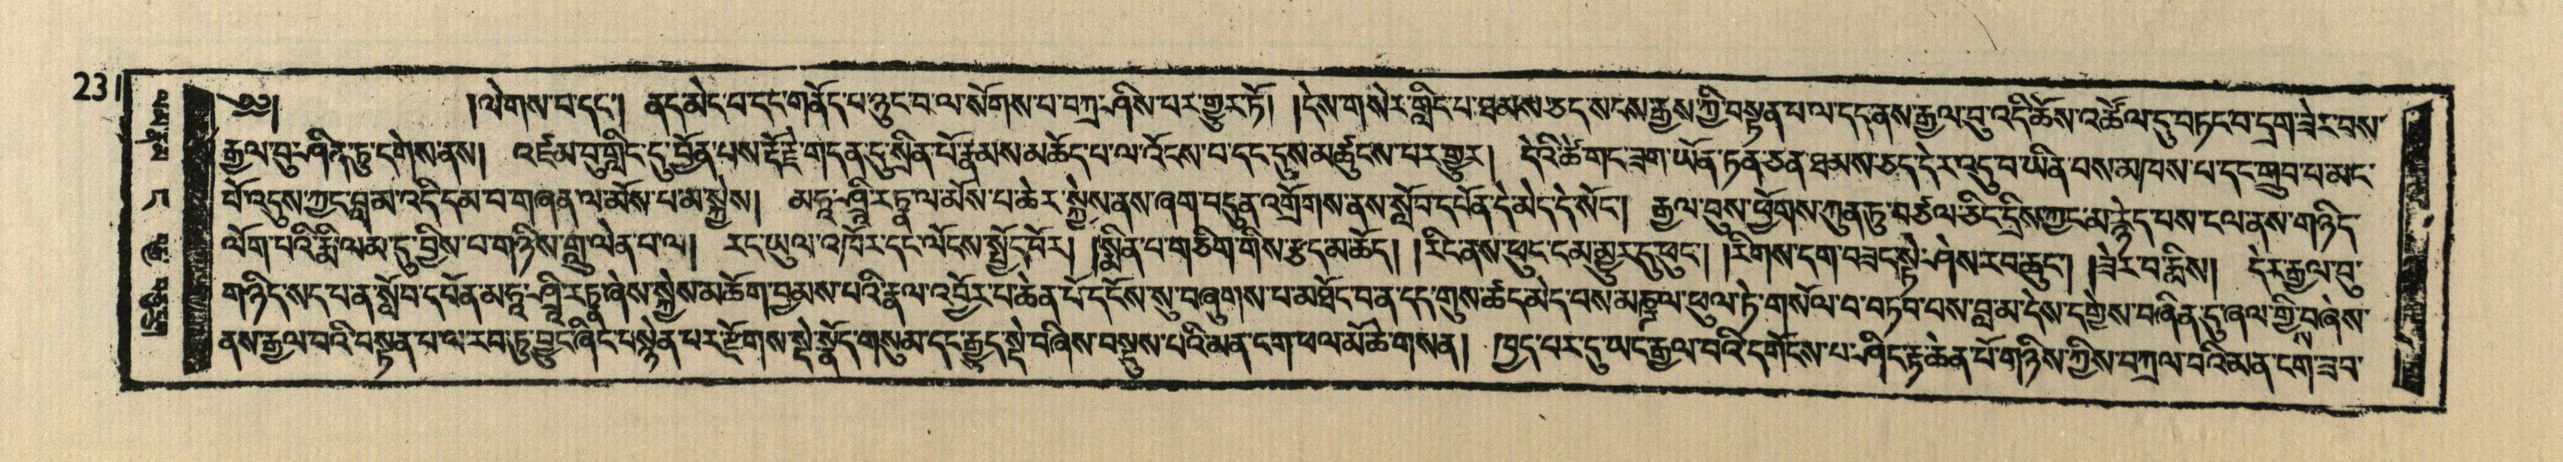༄༅། །ལེགས་བ་དང་། ནད་མེད་བ་དང་གནོད་པ་ཉུང་བ་ལ་སོགས་པ་བཀྲ་ཤིས་པར་གྱུར་ཏོ། །དེས་གསེར་གླིང་པ་ཐམས་ཅད་སངས་རྒྱས་ཀྱི་བསྟན་པ་ལ་དད་ནས་རྒྱལ་བུ་འདི་ཆོས་འཚོལ་དུ་བཏང་བ་དྲག་ཟེར་བས་
རྒྱལ་བུ་ཤིན་ཏུ་དགེས་ནས། འཛམ་བུ་གླིང་དུ་བྱོན་པས་རྡོ་རྗེ་གདན་དུ་སྲིན་པོ་རྣམས་མཆོད་པ་ལ་འོངས་བ་དང་དུས་མཚུངས་པར་གྱུར། དེའི་ཚེ་གང་ཟག་ཡོན་ཏན་ཅན་ཐམས་ཅད་དེར་འདུ་བ་ཡིན་བས་མཁས་པ་དང་གྲུབ་པ་མང་
པོ་འདུས་ཀྱང་བླ་མ་འདི་དམ་བ་གཞན་ལ་མོས་པ་མ་སྐྱེས། མཧཱ་ཤྲཱི་རཏྣ་ལ་མོས་པ་ཆེར་སྐྱེས་ནས་ཞག་བདུན་འགྲོགས་ནས་སློབ་དཔོན་དེ་མེད་དེ་སོང་། རྒྱལ་བུས་ཕྱོགས་ཀུན་ཏུ་བཙལ་ཅིང་དྲིས་ཀྱང་མ་རྙེད་པས་ངལ་ནས་གཉིད་
ལོག་པའི་རྨི་ལམ་དུ་བྱིས་པ་གཉིས་གླུ་ལེན་པ་ལ། རང་ཡུལ་འཁོར་དང་ལོངས་སྤྱོད་བོར། །སྨིན་པ་གཅིག་གིས་རྩད་མ་ཆོད། །རིང་ནས་ཕུང་ངམ་མྱུར་དུ་ཕུང་། །རིགས་དག་བཟང་སྟེ་ཤེས་རབ་ཆུང་། །ཟེར་བ་རྨིས། དེར་རྒྱལ་བུ་
གཉིད་སད་པ་ན་སློབ་དཔོན་མཧཱ་ཤྲཱི་རཏྣ་ཞེས་སྐྱེས་མཆོག་བྱམས་པའི་རྣལ་འབྱོར་པ་ཆེན་པོ་དངོས་སུ་བཞུགས་པ་མཐོང་བ་ན་དད་གུས་ཚད་མེད་པས་མཎྜལ་ཕུལ་ཏེ་གསོལ་བ་བཏབ་པས་བླ་མ་དེས་དགྱེས་བཞིན་དུ་ཞལ་གྱིས་བཞེས་
ནས་རྒྱལ་བའི་བསྟན་པ་ལ་རབ་ཏུ་བྱུང་ཞིང་བསྙེན་པར་རྫོགས་སྡེ་སྣོད་གསུམ་དང་རྒྱུད་སྡེ་བཞིས་བསྡུས་པའི་མན་ངག་ཕལ་མོ་ཆེ་གསན། ཁྱད་པར་དུ་ཡང་རྒྱལ་བའི་དགོངས་པ་ཤིང་རྟ་ཆེན་པོ་གཉིས་ཀྱིས་བཀྲལ་བའི་མན་ངག་ཟབ་